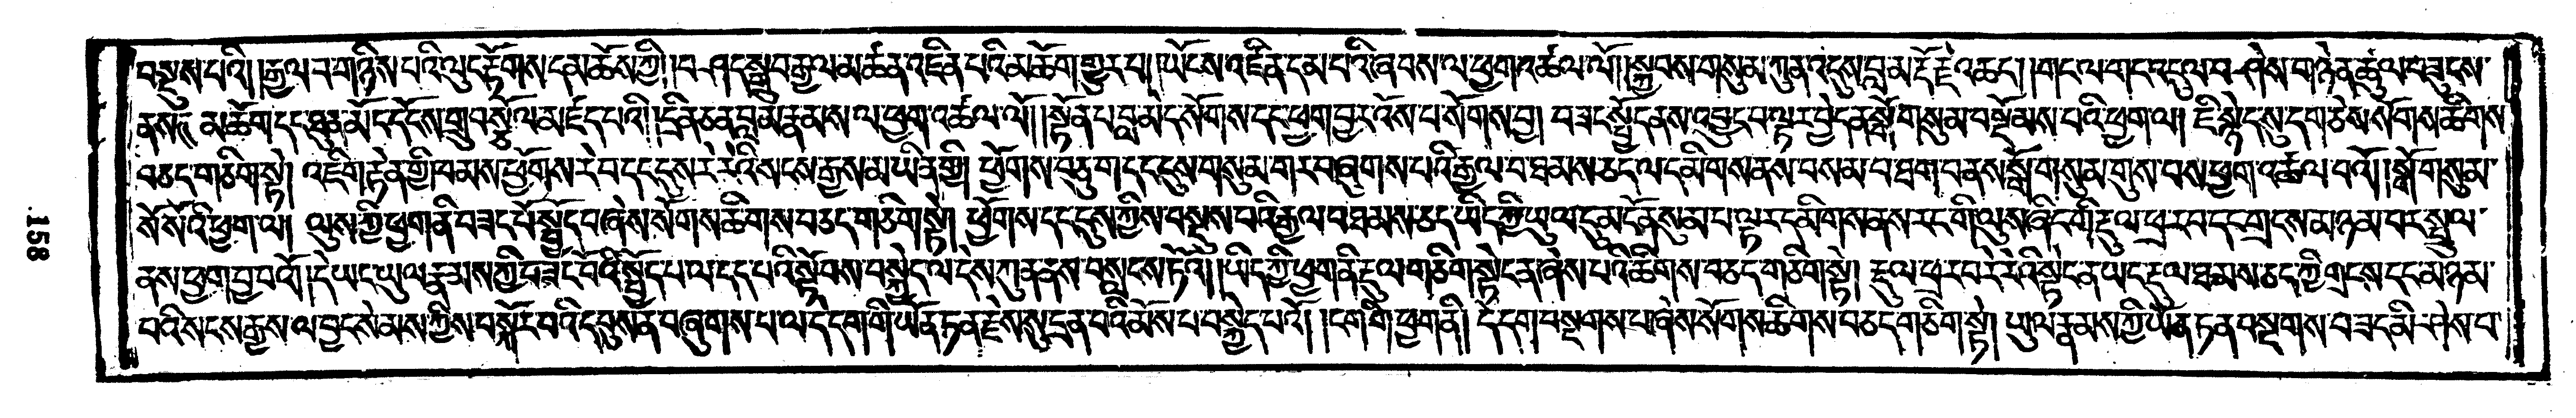བསྡུས་པའི། །རྒྱལ་བ་གཉིས་པའི་ལུང་རྟོགས་དམ་ཆོས་རྒྱལ་མཚན་འཛིན་པའི་དཔལ་ཡོན་ཅན། །དཔལ་ལྡན་བླ་མའི་ཞབས་འཛིན་དམ་པའི་ཞབས་ལ་ཕྱག་འཚལ་ལོ། །སྐྱབས་གསུམ་ཀུན་འདུས་བླ་མ་རྡོ་རྗེ་འཆང་། །གང་ལ་གང་འདུལ་བཤེས་གཉེན་ཚུལ་བཟུངས་
ནས༑༑ མཆོག་དང་ཐུན་མོང་དངོས་གྲུབ་སྩོལ་མཛད་པའི། །དྲིན་ཅན་བླ་མ་རྣམས་ལ་ཕྱག་འཚལ་ལོ། །སྟོན་པ་བླ་མེད་སོགས་དང་ཕྱག་བྱར་འོས་པ་སོགས་བྱ། བཟང་སྤྱོད་ནས་འབྱུང་བ་ལྟར་བྱེད་ན་སྒོ་གསུམ་བསྡོམས་པའི་ཕྱག་ལ། ཇི་སྙེད་སུ་དག་ཅེས་སོགས་ཚིགས་
བཅད་གཅིག་སྟེ། འཇིག་རྟེན་གྱི་ཁམས་ཕྱོགས་རེ་བ་དང་དུས་རེ་རེའི་སངས་རྒྱས་མ་ཡིན་གྱི། ཕྱོགས་བཅུ་ག་དང་དུས་གསུམ་གར་བཞུགས་པའི་རྒྱལ་བ་ཐམས་ཅད་ལ་དམིགས་ནས་བསམ་པ་ཐག་པ་ནས་སྒོ་གསུམ་གུས་པས་ཕྱག་འཚལ་བའོ། །སྒོ་གསུམ་
སོ་སོའི་ཕྱག་ལ། ལུས་ཀྱི་ཕྱག་ནི་བཟང་པོ་སྤྱོད་བཞེས་སོགས་ཚིགས་བཅད་གཅིག་སྟེ། ཕྱོགས་དང་དུས་ཀྱིས་བསྡུས་པའི་རྒྱལ་བ་ཐམས་ཅད་ཡིད་ཀྱི་ཡུལ་དུ་མངོན་སུམ་པ་ལྟར་དམིགས་ནས་རང་གི་ལུས་ཞིང་གི་རྡུལ་ཕྲ་རབ་དང་གྲངས་མཉམ་པར་སྤྲུལ་
ནས་ཕྱག་བྱ་བའོ། །དེ་ཡང་ཡུལ་རྣམས་ཀྱི་བཟང་པོའི་སྤྱོད་པ་ལ་དད་པའི་སྟོབས་བསྐྱེད་ལ་དེས་ཀུན་ནས་བསླངས་ཏེའོ། །ཡིད་ཀྱི་ཕྱག་ནི་རྡུལ་གཅིག་སྟེང་ན་ཞེས་པའི་ཚིགས་བཅད་གཅིག་སྟེ། རྡུལ་ཕྲ་རབ་རེ་རེའི་སྟེང་ན་ཡང་རྡུལ་ཐམས་ཅད་ཀྱི་གྲངས་དང་མཉམ་
པའི་སངས་རྒྱས་ལ་བྱང་སེམས་ཀྱིས་བསྐོར་བའི་དབུས་ན་བཞུགས་པ་ལ་དེ་དག་གི་ཡོན་ཏན་རྗེས་སུ་དྲན་པའི་མོས་པ་བསྐྱེད་པའོ། །ངག་གི་ཕྱག་ནི། དེ་དག་བསྔགས་པ་ཞེས་སོགས་ཚིགས་བཅད་གཅིག་སྟེ། ཡུལ་རྣམས་ཀྱི་ཡོན་ཏན་བསྔགས་བཟད་མི་ཤེས་པ་